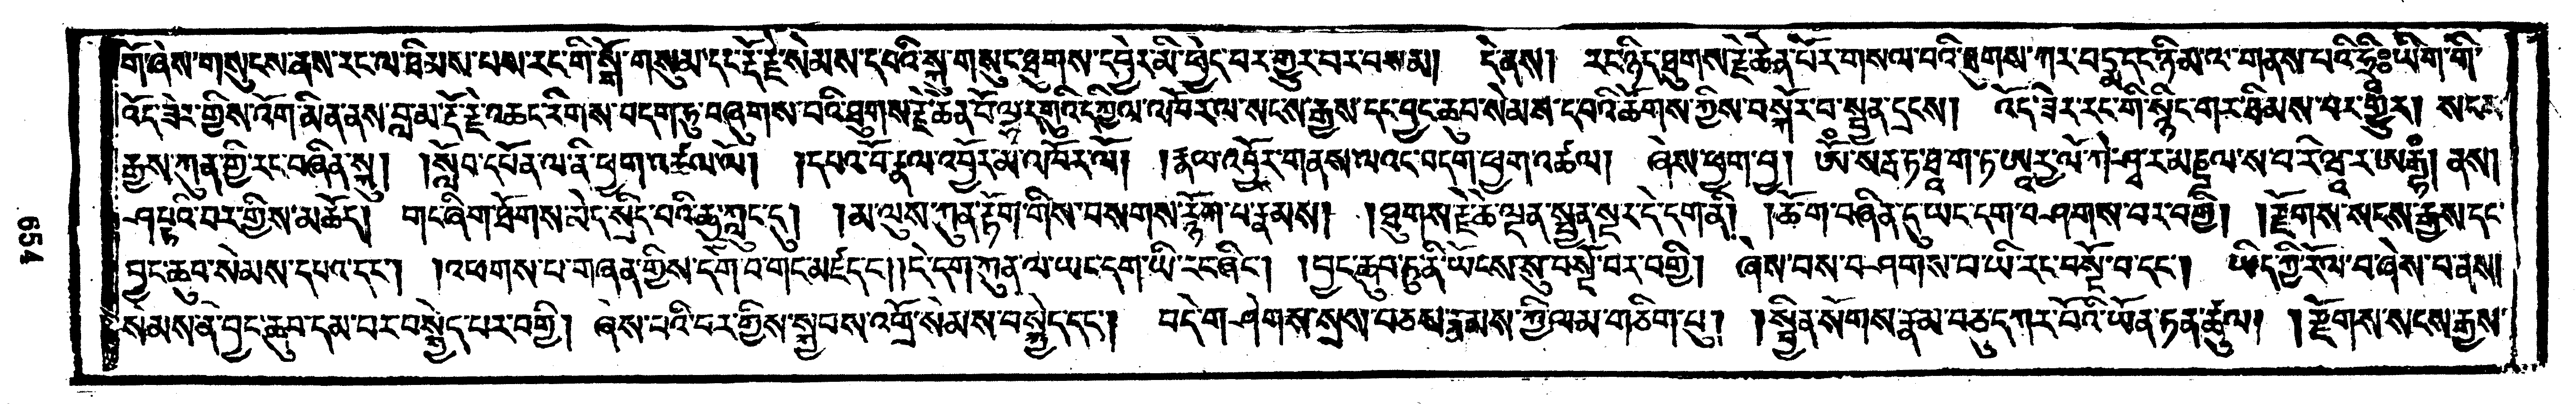གོ་ཞེས་གསུངས་ནས་རང་ལ་ཐིམས་པས་རང་གི་སྒོ་གསུམ་དང་རྡོ་རྗེ་སེམས་དཔའི་སྐུ་གསུང་ཐུགས་དབྱེར་མི་ཕྱེད་བར་གྱུར་བར་བསམ། དེ་ནས། རང་ཉིད་ཐུགས་རྗེ་ཆེན་པོར་གསལ་བའི་ཐུགས་ཀར་པདམ་དང་ཉི་མ་ལ་གནས་པའི་ཧྲཱིཿཡིག་གི་
འོད་ཟེར་གྱིས་འོག་མིན་ནས་བླ་མ་རྡོ་རྗེ་འཆང་རིགས་བདག་ཏུ་བཞུགས་པའི་ཐུགས་རྗེ་ཆེན་པོ་ལྷ་དགུའི་དཀྱིལ་འཁོར་ལ་སངས་རྒྱས་དང་བྱང་ཆུབ་སེམས་དཔའི་ཚོགས་ཀྱིས་བསྐོར་བ་སྤྱན་དྲངས། འོད་ཟེར་རང་གི་སྙིང་གར་ཐིམས་བར་གྱུར། སངས་
རྒྱས་ཀུན་གྱི་རང་བཞིན་སྐུ། །སློབ་དཔོན་ལ་ནི་ཕྱག་འཚལ་ལོ། །དཔའ་བོ་རྣལ་འབྱོར་མ་འཁོར་ལོ། །རྣལ་འབྱོར་གནས་ལའང་བདག་ཕྱག་འཚལ། ཞེས་ཕྱག་བྱ། ཨོཾ་སརྦ་ཏ་ཐཱ་ག་ཏ་ཨཱརྱ་ལོ་ཀེ་ཤྭ་ར་མཎྜལ་ས་བ་རི་ཝཱ་ར་ཨརྒྷཾ། ནས།
ཤྤྟའི་བར་གྱིས་མཆོད། གང་ཞིག་ཐོགས་མེད་སྲིད་བའི་ཆུ་ཀླུང་དུ། །མ་ལུས་ཀུན་རྟོག་གིས་བསགས་རྙོག་པ་རྣམས། །ཐུགས་རྗེ་ཆེ་ལྡན་སྤྱན་སྔར་དེ་དག་ནི། །ཆོ་ག་བཞིན་དུ་ཡང་དག་བཤགས་བར་བགྱི། །རྫོགས་སངས་རྒྱས་དང་
བྱང་ཆུབ་སེམས་དཔའ་དང་། །འཕགས་པ་གཞན་གྱིས་དགེ་བ་གང་མཛད་ང་། །དེ་དག་ཀུན་ལ་ཡང་དག་ཡི་རང་ཞིང་། །བྱང་ཆུབ་ཏུ་ནི་ཡོངས་སུ་བསྔོ་བར་བགྱི། ཞེས་བས་བཤགས་པ་ཡི་རང་བསྔོ་བ་དང་། ཡིད་ཀྱི་རོལ་བ་ཞེས་བ་ནས།
སེམས་ན་བྱང་ཆུབ་དམ་པར་བསྐྱེད་པར་བགྱི། ཞེས་པའི་བར་གྱིས་སྐྱབས་འགྲོ་སེམས་བསྐྱེད་དང་། བདེ་གཤེགས་སྲས་བཅས་རྣམས་ཀྱི་ལམ་གཅིག་པུ། །སྦྱིན་སོགས་རྣམ་བཅུ་དཀར་པོའི་ཡོན་ཏན་ཚུལ། །རྫོགས་སངས་རྒྱས་